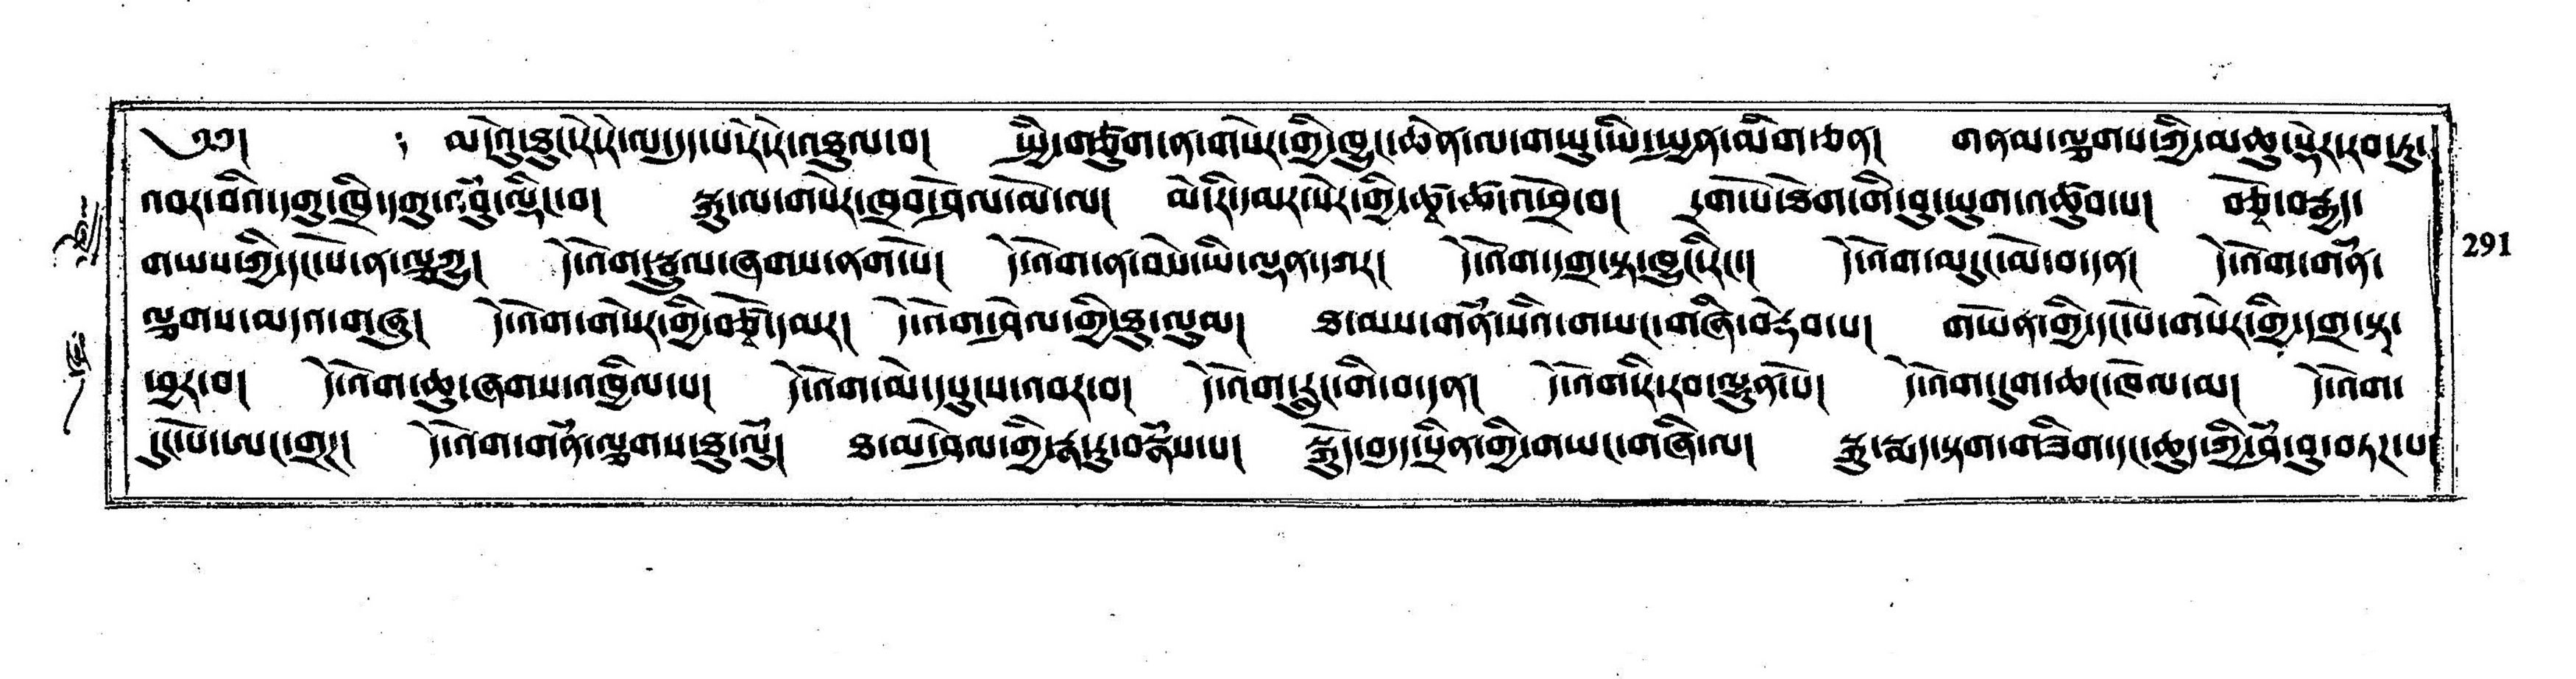མདེའུ་ཐུང་རེ་རེ་ལ་དུད་པ་རེ་རེ་འཐུལ་བ། སྤྱི་གཙུག་ན་གསེར་གྱི་ཁྱུང་ཆེན་ལ་གཡུ་ཡི་སྤྱན་མིག་ཅན། གནམ་ལྕགས་ཀྱི་མཆུ་སྡེར་རབ་ཏུ་
འབར་བའི་དགུ་ཁྲི་དགུ་འབུམ་ལྡིང་བ། སྐུ་ལ་གསེར་ཁྲབ་ཤོལ་མོ་ལ། མེ་རི་དམར་སེར་གྱི་ཚྭ་ཚྭ་འཕྲོ་བ། དྲག་པོ་ཐོག་གི་བུ་ཡུག་འཚུབ་པ། བཅྭོ་བརྒྱད་
གཡས་ཀྱི་དང་པོ་ན་ལྕག་ཀྱུ། དེ་འོག་སྦྲུལ་ཞགས་ནག་པོ། དེ་འོག་ན་བསེ་ཡི་ལྡན་དཀར། དེ་འོག་དགྲ་སྟ་ཁྱུང་རིང་། དེ་འོག་མདུང་མོ་བ་དན། དེ་འོག་གནམ་
ལྕགས་མདའ་གཞུ། དེ་འོག་གསེར་གྱི་བཙྭོ་དམར། དེ་འོག་ཤེལ་གྱི་ཐུ་ལུམ། ཐ་མས་གནམ་སའི་གཡང་གཞི་བརྡེབ་པ། གཡོན་གྱི་དང་པོ་གསེར་གྱི་དགྲ་སྟྭ་
ཕྱར་བ། དེ་འོག་ཆུ་ཞགས་འཁྱིལ་པ། དེ་འོག་མེ་དཔུང་འབར་བ། དེ་འོག་རླུང་གི་བ་དན། དེ་འོག་རི་རབ་ལྷུན་པོ། དེ་འོག་དུག་ཆང་ཁོལ་མ། དེ་འོག་
དུང་པོ་ཨང་གྲགས། དེ་འོག་གནམ་ལྕགས་ཐུ་ལུམ། ཐ་མ་ཤེལ་གྱི་རྣ་རུ་བསྣམས་པ། སྐུ་བསྟོད་བདུད་སྲིན་གྱི་གཡང་གཞི་ལ། སྐུ་སྨད་སྟག་གཟིག་དང་ཆུད་ཀྱི་ཤམ་བུ་བཏགས་པ་